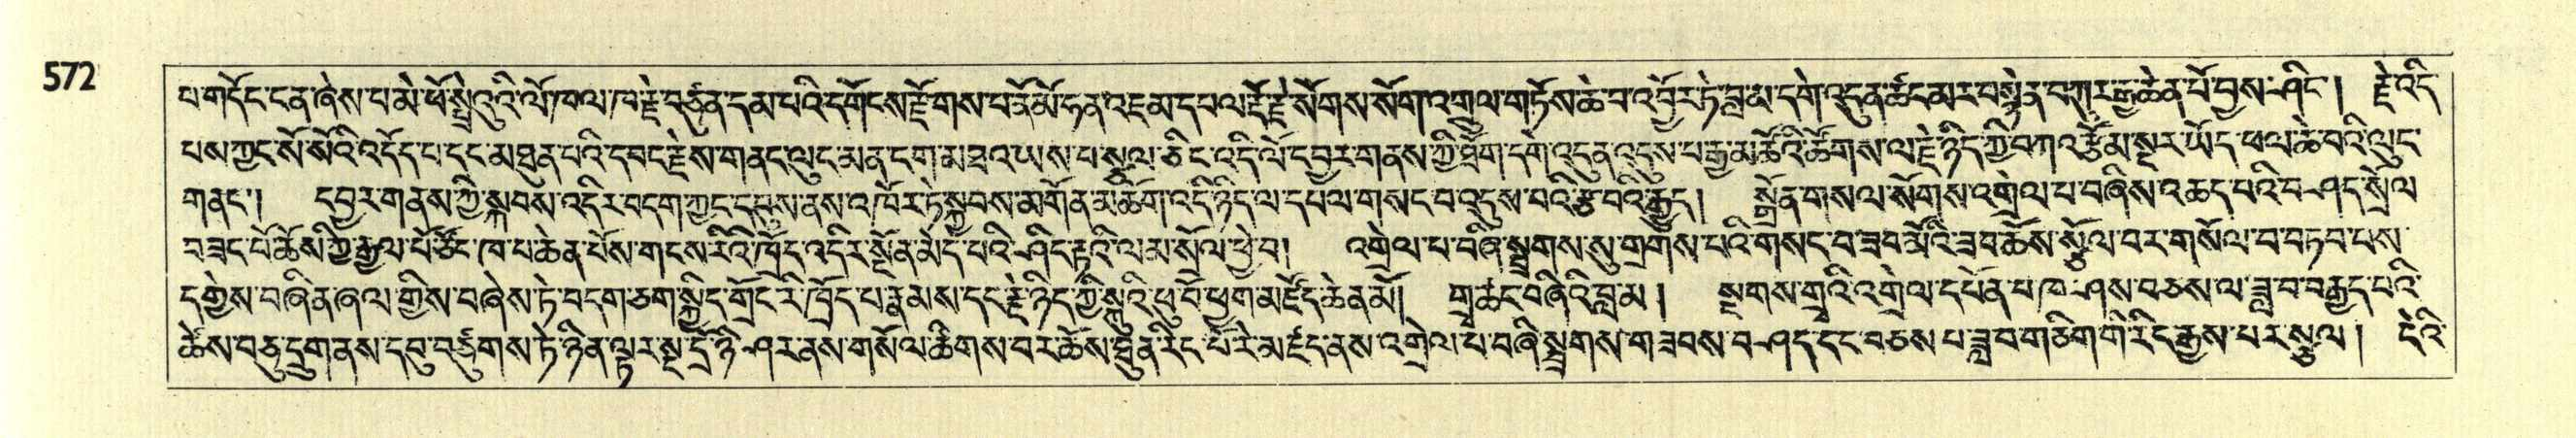པ་གདོང་ངན་ཞེས་པ་མེ་ཕོ་སྤྲེའུའི་ལོ་ཁལ་ཁ་རྗེ་བཙུན་དམ་པའི་དགོངས་རྫོགས་པ་ནོ་མོ་ཧན་འཇམ་དཔལ་རྡོ་རྗེ་སོགས་སོགས་འགྲུལ་གཏོས་ཆེ་བ་འབྱོར་ཏེ་བླ་མ་དགེ་འདུན་ཚང་མར་བསྙེན་བཀུར་རྒྱ་ཆེན་པོ་བྱས་ཤིང་། རྗེ་འདི་
པས་ཀྱང་སོ་སོའི་འདོད་པ་དང་མཐུན་པའི་དབང་རྗེས་གནང་ལུང་མན་ངག་མཐའ་ཡས་པ་སྩལ་ཅིང་འདི་ལོ་དབྱར་གནས་ཀྱི་ཐོག་དགེ་འདུན་འདུས་པ་རྒྱ་མཚོའི་ཚོགས་ལ་རྗེ་ཉིད་ཀྱི་བཀའ་རྩོམ་སྔར་ཡོད་ཕལ་ཆེ་བའི་ལུང་
གནང་། དབྱར་གནས་ཀྱི་སྐབས་འདིར་བདག་ཀྱང་དབུས་ནས་འཁོར་ཏེ་སྐྱབས་མགོན་མཆོག་འདི་ཉིད་ལ་དཔལ་གསང་བ་འདུས་པའི་རྩ་བའི་རྒྱུད། སྒྲོན་གསལ་སོགས་འགྲེལ་པ་བཞིས་འཆད་པའི་བཤད་སྲོལ་
བཟང་པོ་ཆོས་ཀྱི་རྒྱལ་པོ་ཙོང་ཁ་པ་ཆེན་པོས་གངས་རིའི་ཁྲོད་འདིར་སྔོན་མེད་པའི་ཤིང་རྟའི་ལམ་སྲོལ་ཕྱེ་བ། འགྲེལ་པ་བཞི་སྦྲགས་སུ་གྲགས་པའི་གསང་བ་ཟབ་མོའི་ཟབ་ཆོས་སྩོལ་བར་གསོལ་བ་བཏབ་པས་
དགྱེས་བཞིན་ཞལ་གྱིས་བཞེས་ཏེ་བདག་ཅག་སྐྱིད་གྲོང་རི་ཁྲོད་པ་རྣམས་དང་རྗེ་ཉིད་ཀྱི་སྐུའི་ཕུ་པོ་ཕྱག་མཛོད་ཆེན་མོ། གྲྭ་ཚང་བཞིའི་བླ་མ། སྔགས་གྲྭའི་འགྲེལ་དཔོན་པ་ཁ་ཤས་བཅས་ལ་ཟླ་བ་བརྒྱད་པའི་
ཚེས་བཅུ་དྲུག་ནས་དབུ་བཙུགས་ཏེ་ཉིན་ལྟར་སྔ་དྲོ་ཉི་ཤར་ནས་གསོལ་ཚིགས་བར་ཆོས་ཐུན་རིང་པོ་རེ་མཛད་ནས་འགྲེལ་པ་བཞི་སྦྲགས་གཟབས་བཤད་དང་བཅས་པ་ཟླ་བ་གཅིག་གི་རིང་རྒྱས་པར་སྩལ། དེའི་